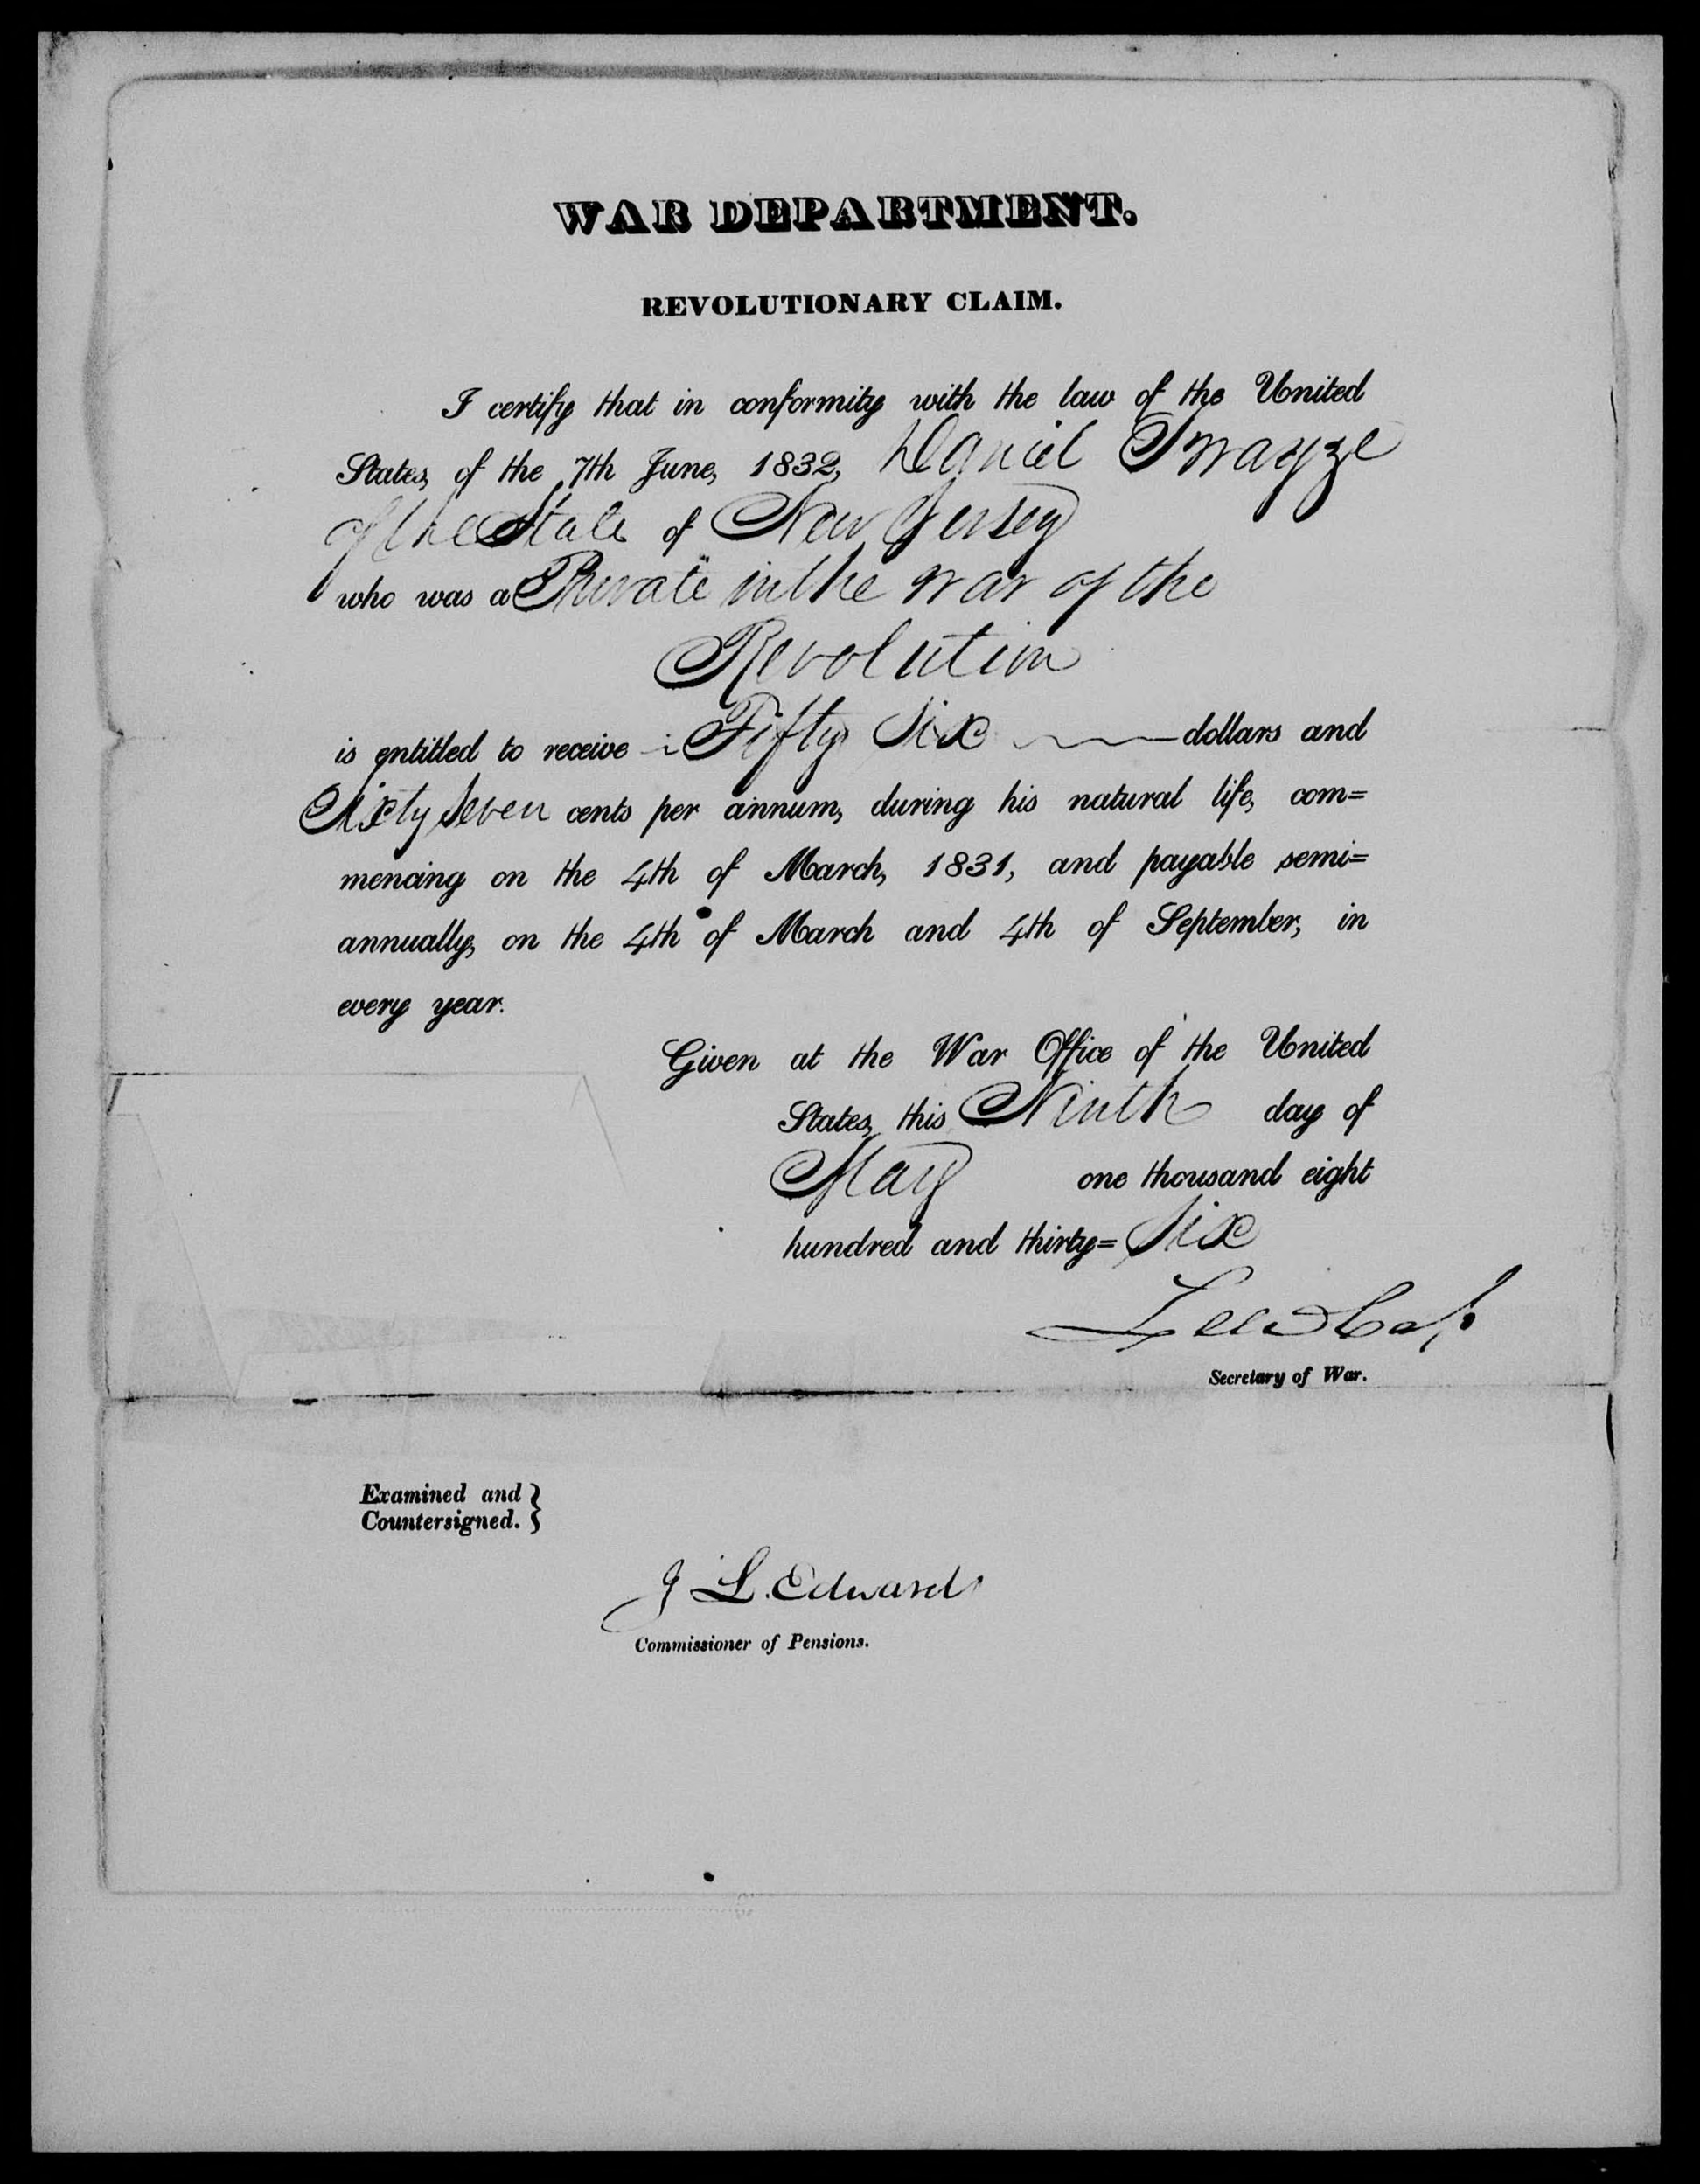WAR DEPARTMENT.
REVOLUTIONARY CLAIM.
I certify that in conformity with the law of the United States of the 7th June, 1832, Daniel Swayze of the State of New Jersey who was a Private in the war of the Revolution is entitled to receive Fifty Six dollars and Sixty Seven cents per annum, during his natural life, commencing on the 4th of March, 1831, and payable semiannually on the 4th of March and 4th of September, in every year.  

Given at the War Office of the United States this Ninth day  of May one thousand eight hundred and thirty six. 
Lewis Cass
Secretary of War
Examined and 
Countersigned }
J. L. Edward
Commissioner of Pensions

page: 16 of 20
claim: survivor's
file: S. 4911, for Daniel Swayze, New Jersey